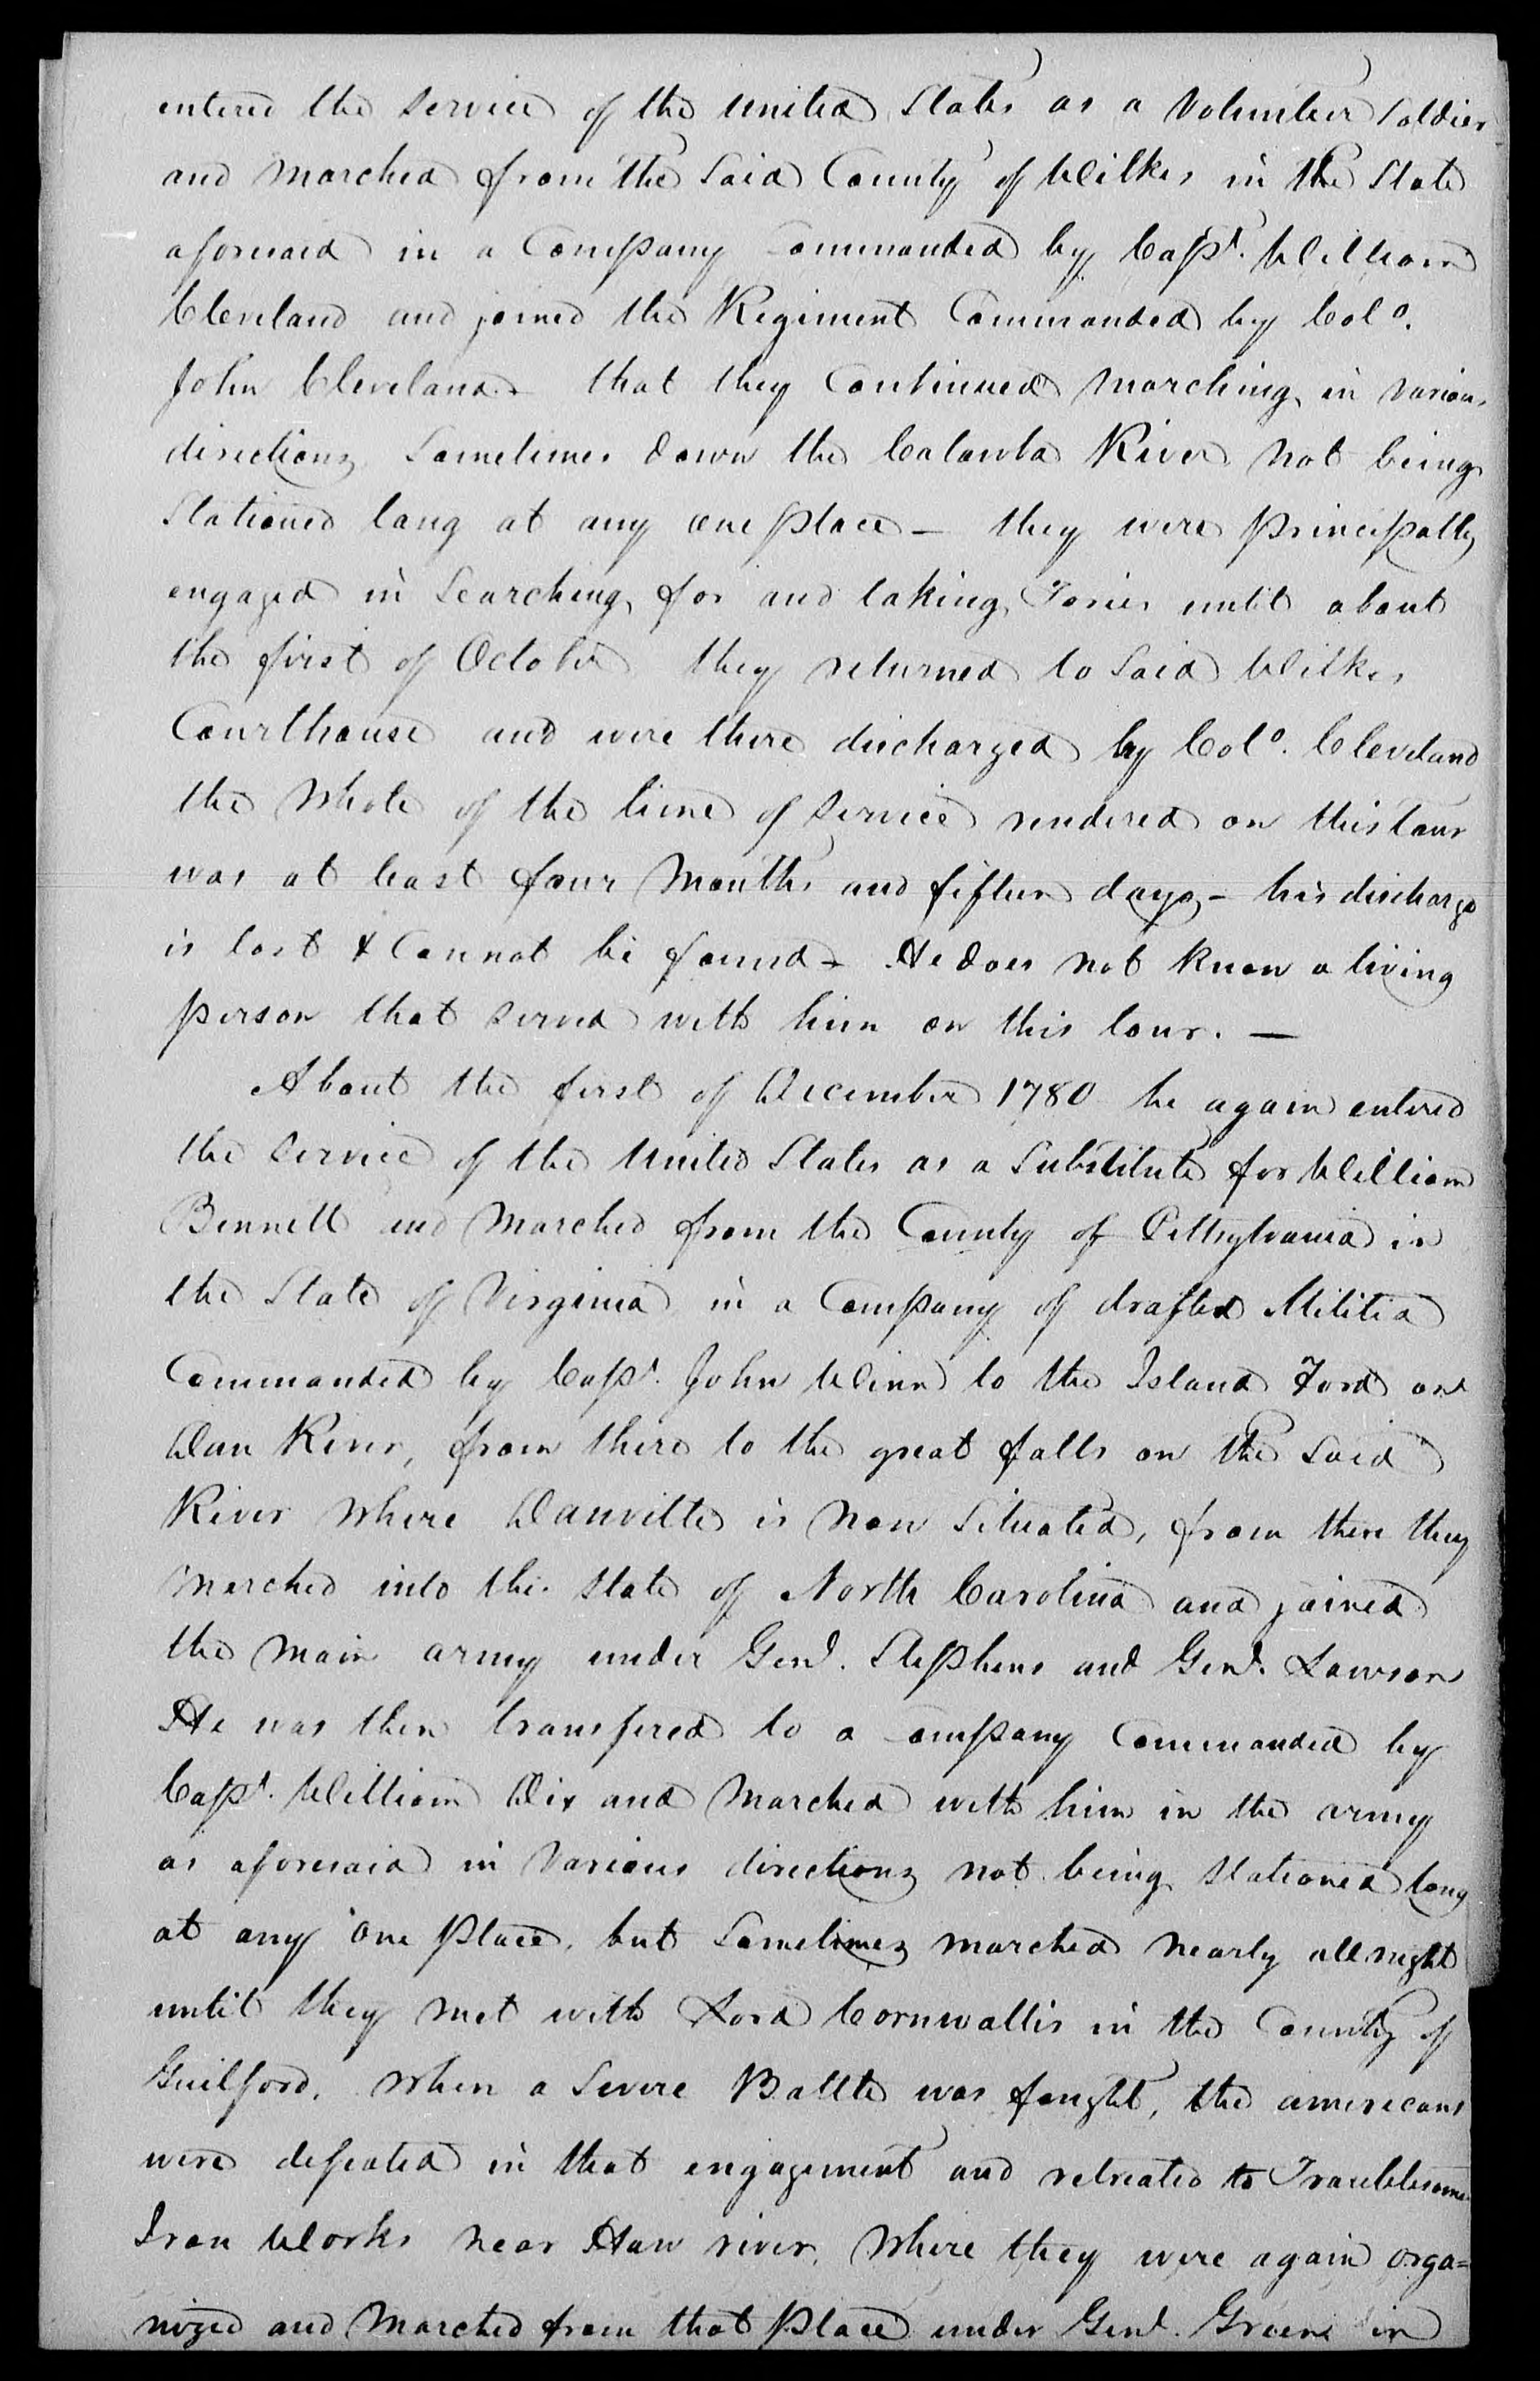entered the service of the United States as a volunteer Soldier and marched from the Said County of Wilkes in the State aforesaid in a Company Commanded by Capt. Wilhorn Cleveland and formed the Regiment Commanded by Col. John Cleveland. that they continued marching, in various directions, Sometimes Down the Colawba River not being stationed long at any one place - they were principally engaged in Searching for and taking Tories until about the first of October they returned to Said Wilkes Courthouse and were there Discharged by Col. Cleveland the whole of time of service rendered on this tour was a least four months and fifteen days, - his discharge is lost and cannot be found - He does not know a living person that served with him on this tour. - 
About the first of December 1780 he again entered the Service of the United States a a Substitute for William Bennett and marched from the County of Pittsylvania in the State of Virginia in a Company of drafted Militia Commanded by Capt. John Winn to the Island Ford and Dan River, from there to the great falls on the Said where Danville is now situated, from there they marched into the state of North Carolina and joined the main army under Genl. Stephens and Genl. Lawson. He was then transfered to a Company Commanded by Capt. William Dix and marched with him in the army as aforesaid in various directions not being stationed long at any one place, but sometimes marched nearly all night until they met with Lord Cornwallis in the County of Guilford, when a Severe Battle was fought, the american were defeated in that engagement and retreated to Troublesome Iron Works, near Haw river, where they were again organized and Marched from that place under Genl. Greene in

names: William Cleveland, John Cleveland, Cleveland, William Bennett, John Winn, Green, Stephens, William Dix, Lawson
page: 15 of 81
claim: widow's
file: W. 7262, Robert Ferguson, Va.